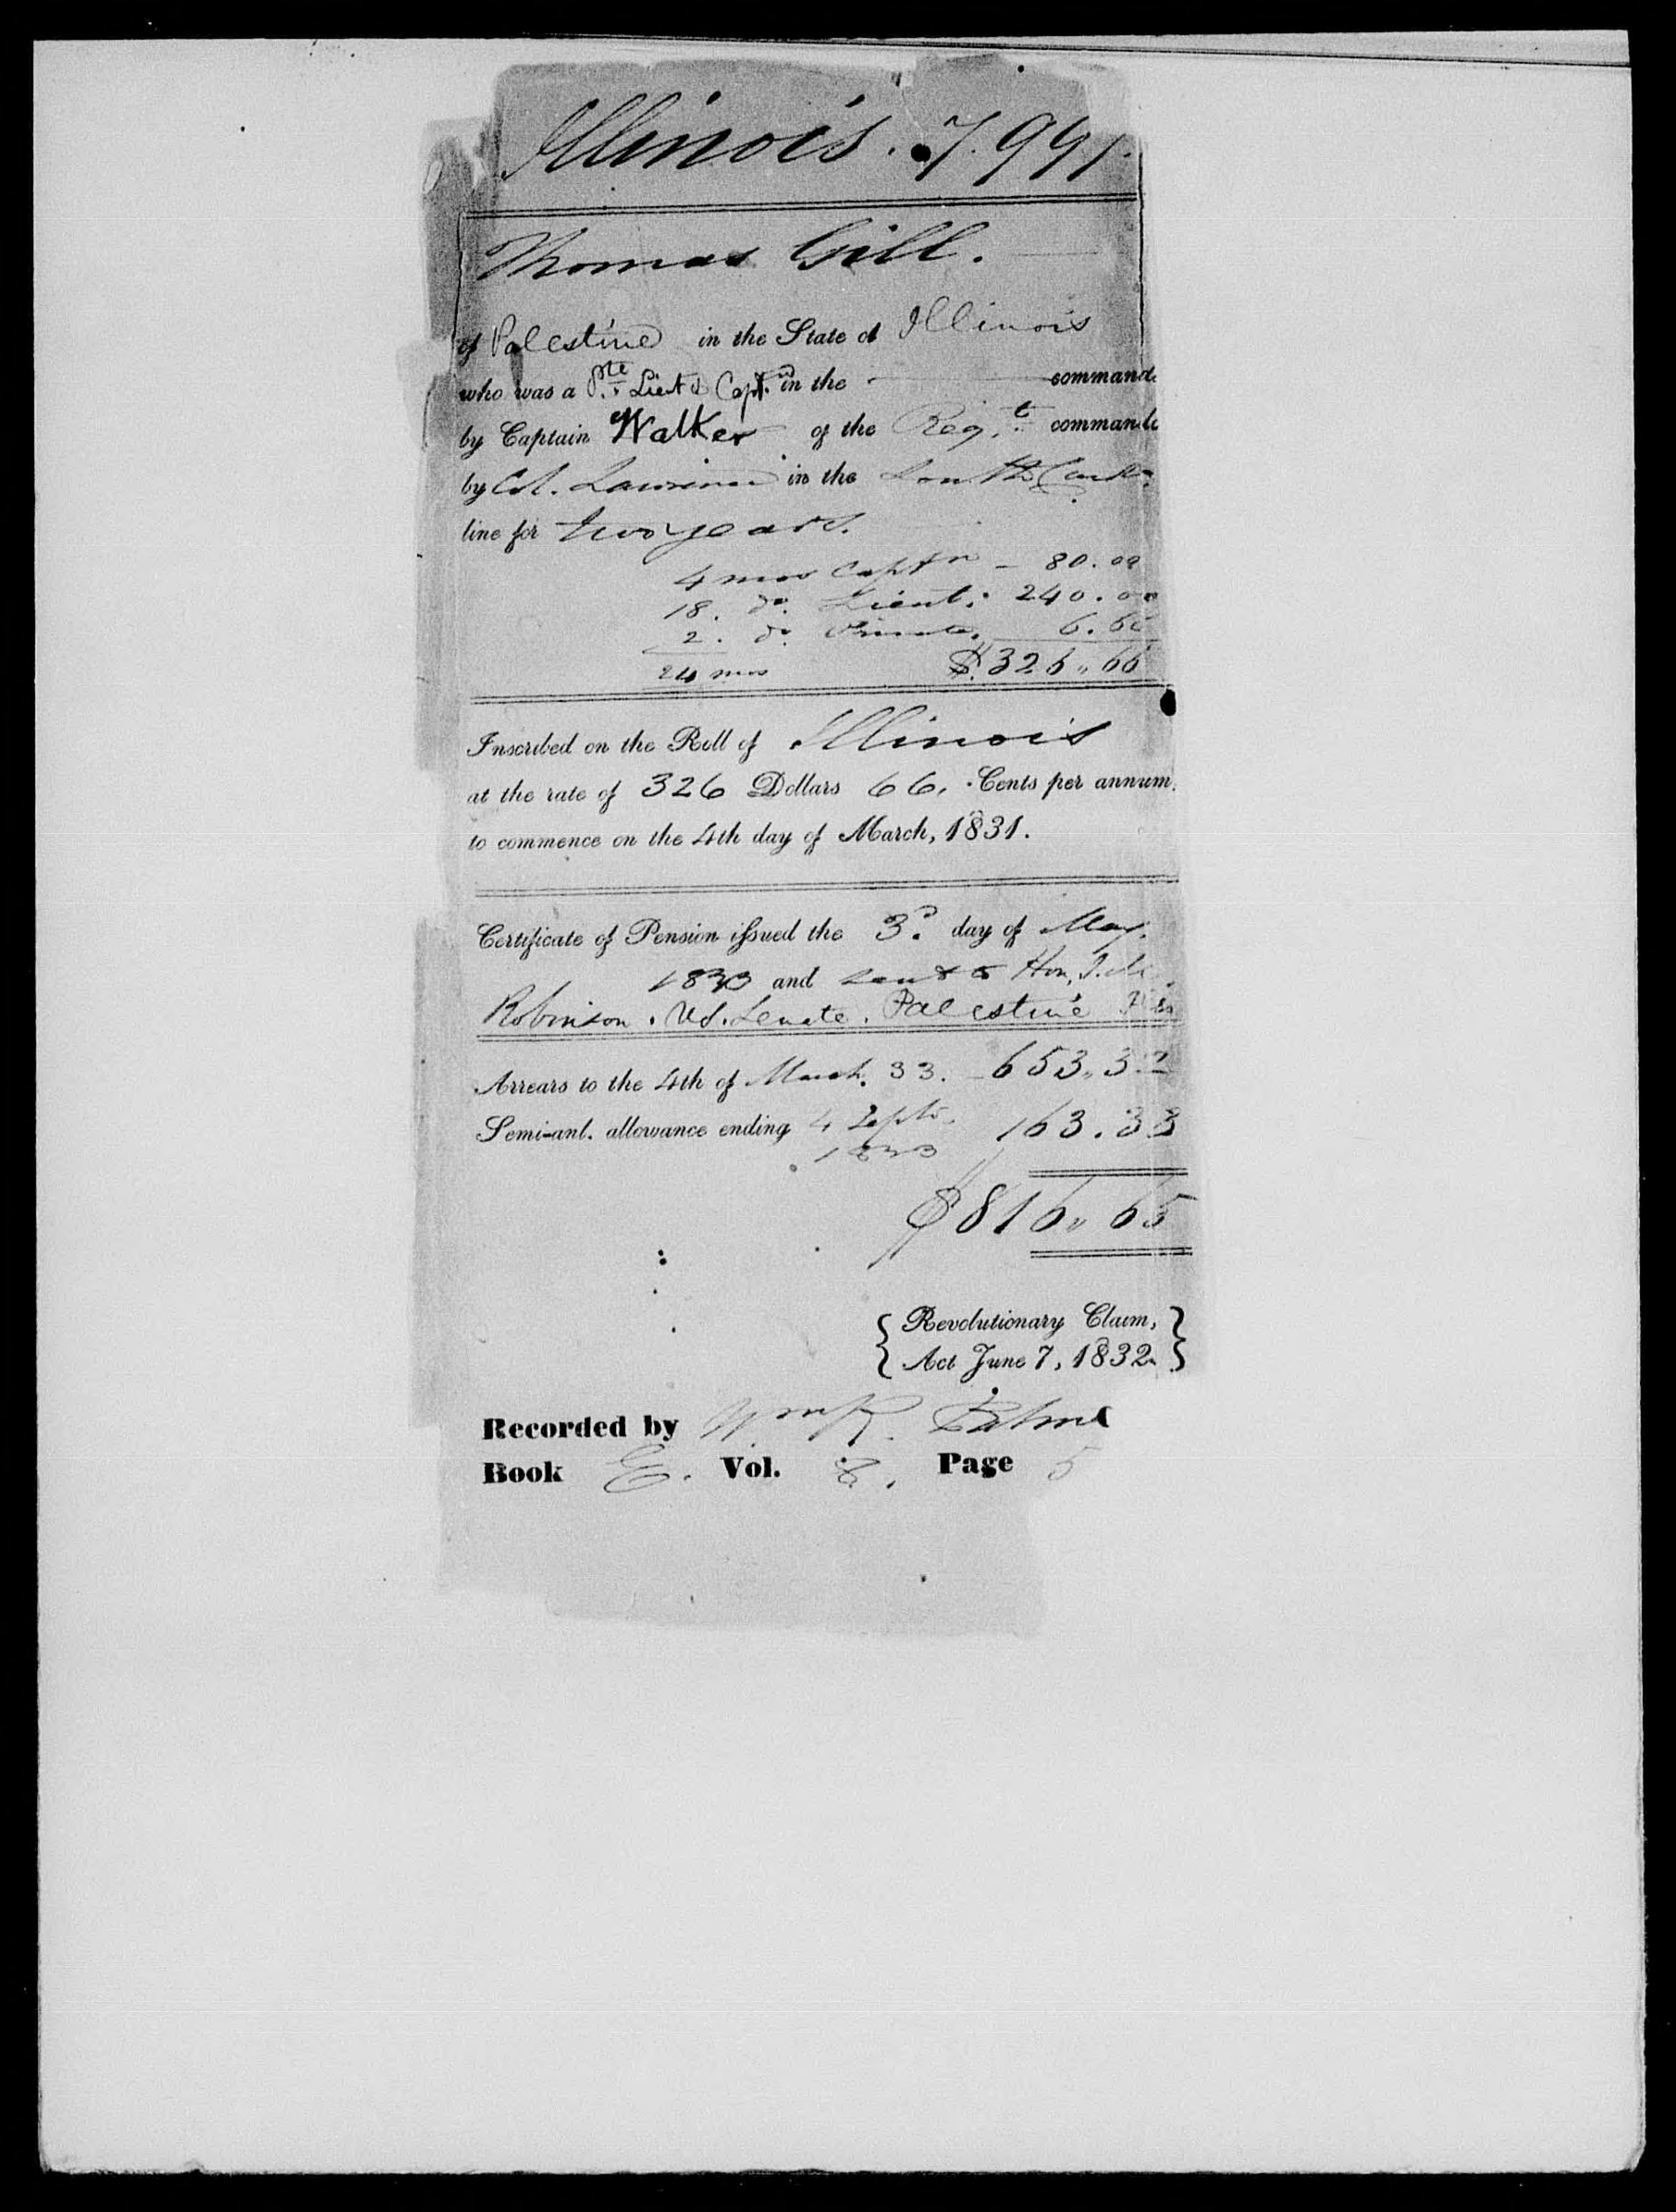Illinois 7991
Thomas Gill.
of Palestine in the State of Illinois
who was a 1st Lieut & Capt. in the _ Commanded by Captain [Philip] Walker of the Regt.  commanded by Col [John Laurens] Lawrence in the South Carolina line for two years.
               4 Mos Captain -   80.00
               18 Mos Lieut. - 240.00
                 2 Mos Private -  6.66
              = 24 Mos             $326.66
Inscribed on the Roll of Illinois at the rate of 326 Dollars  66. Cents per annum to commence on the 4th day of March 1831.
Certificate of Pension issued the 3rd day of May 1830 and sent to Hon. TM Robinson. US. Senate. Palestine, Ils
Arrears to the 4th of March. 33               653.32
Semi-anl. allowance ending 4 Sept. 1833  163.33 =  $816.65
Revolutionary claim,
Act June 7, 1832
Recorded by Wm R. Balms 
Book E.  Vol. 8  Page 5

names: J M Robinson, Lawrence, Wm R Palmer, Thomas Gill, Walker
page: 2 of 44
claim: survivor's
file: S. 31,061, Thomas Gill, S.C.